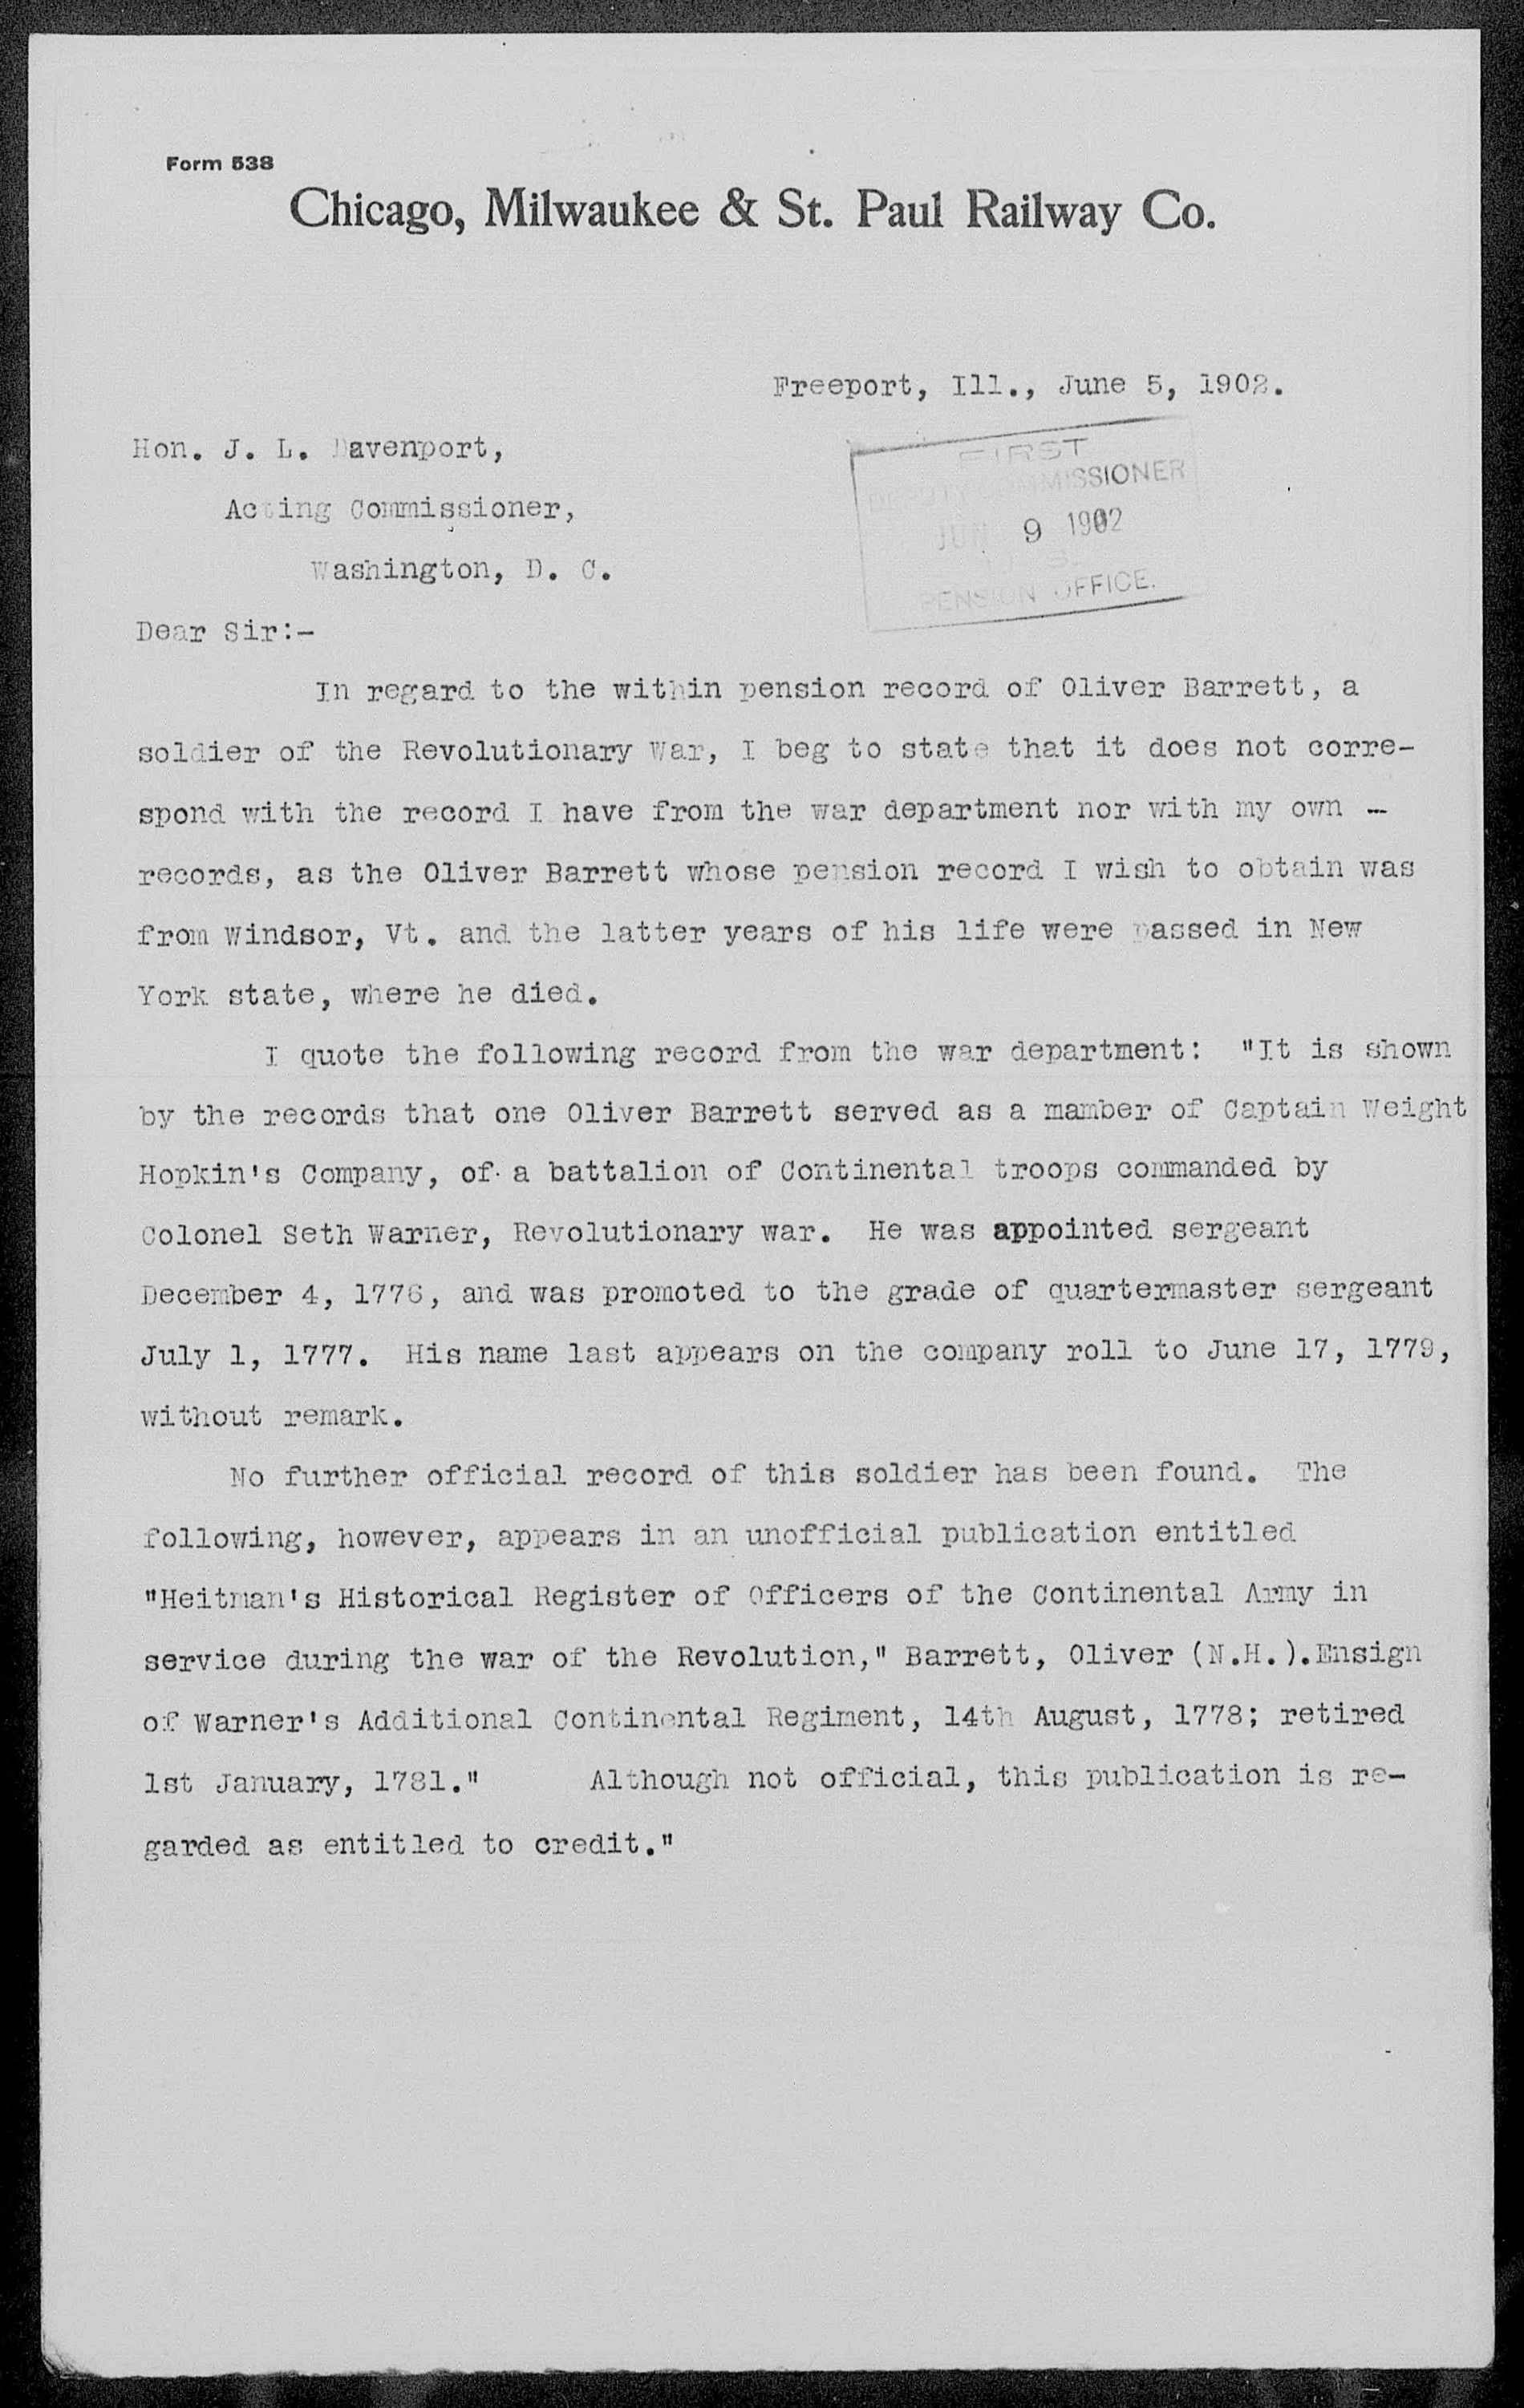Form 538

Chicago, Milwaukee & St. Paul Railway Co. 

Freeport, Ill., June 5, 1902.

First Commissioner
Jun 9 1902
Pension Office

Hon. J.L. Davenport, 
Acting Commissioner, 
Washington, D.C.

Dear Sir:-
In regard to the within pension record of Oliver Barrett, a soldier of the Revolutionary War, I beg to state that it does not correspond with the record I have from the war department nor with my own - records, as the Oliver Barrett whose pension record I wish to obtain was from Windsor, VT. and the latter years of his life were passed in New York state, where he died. 
I quote the following record from the war department: "It is shown by the records that one Oliver Barrett served as a member of Captain Weight Hopkin's Company, of a battalion of Continental troops commanded by Colonel Seth Warner, Revolutionary War. He was appointed sergeant December 4, 1776, and was promoted to the grade of quartermaster sergeant July 1, 1777. His name last appears on the company roll to June 17, 1779, without remark. 
No further official record of this soldier has been found. The following, however, appears in an unofficial publication entitled "Heitman's Historical Register of Officers of the Continental Army in service during the war of the Revolution," Barrett, Oliver (N.H.) Ensign of Warner's Additional Continental Regiment, 14th August, 1778; retired 1st January 1781." Although not official, this publication is regarded as entitled to credit."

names: Oliver Barrett, Seth Warner, J L Davenport, Oliver Barrett, Oliver Barrett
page: 74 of 83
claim: widow's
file: W. 10,384, Oliver Barrett, Continental (Vt.) N.Y.